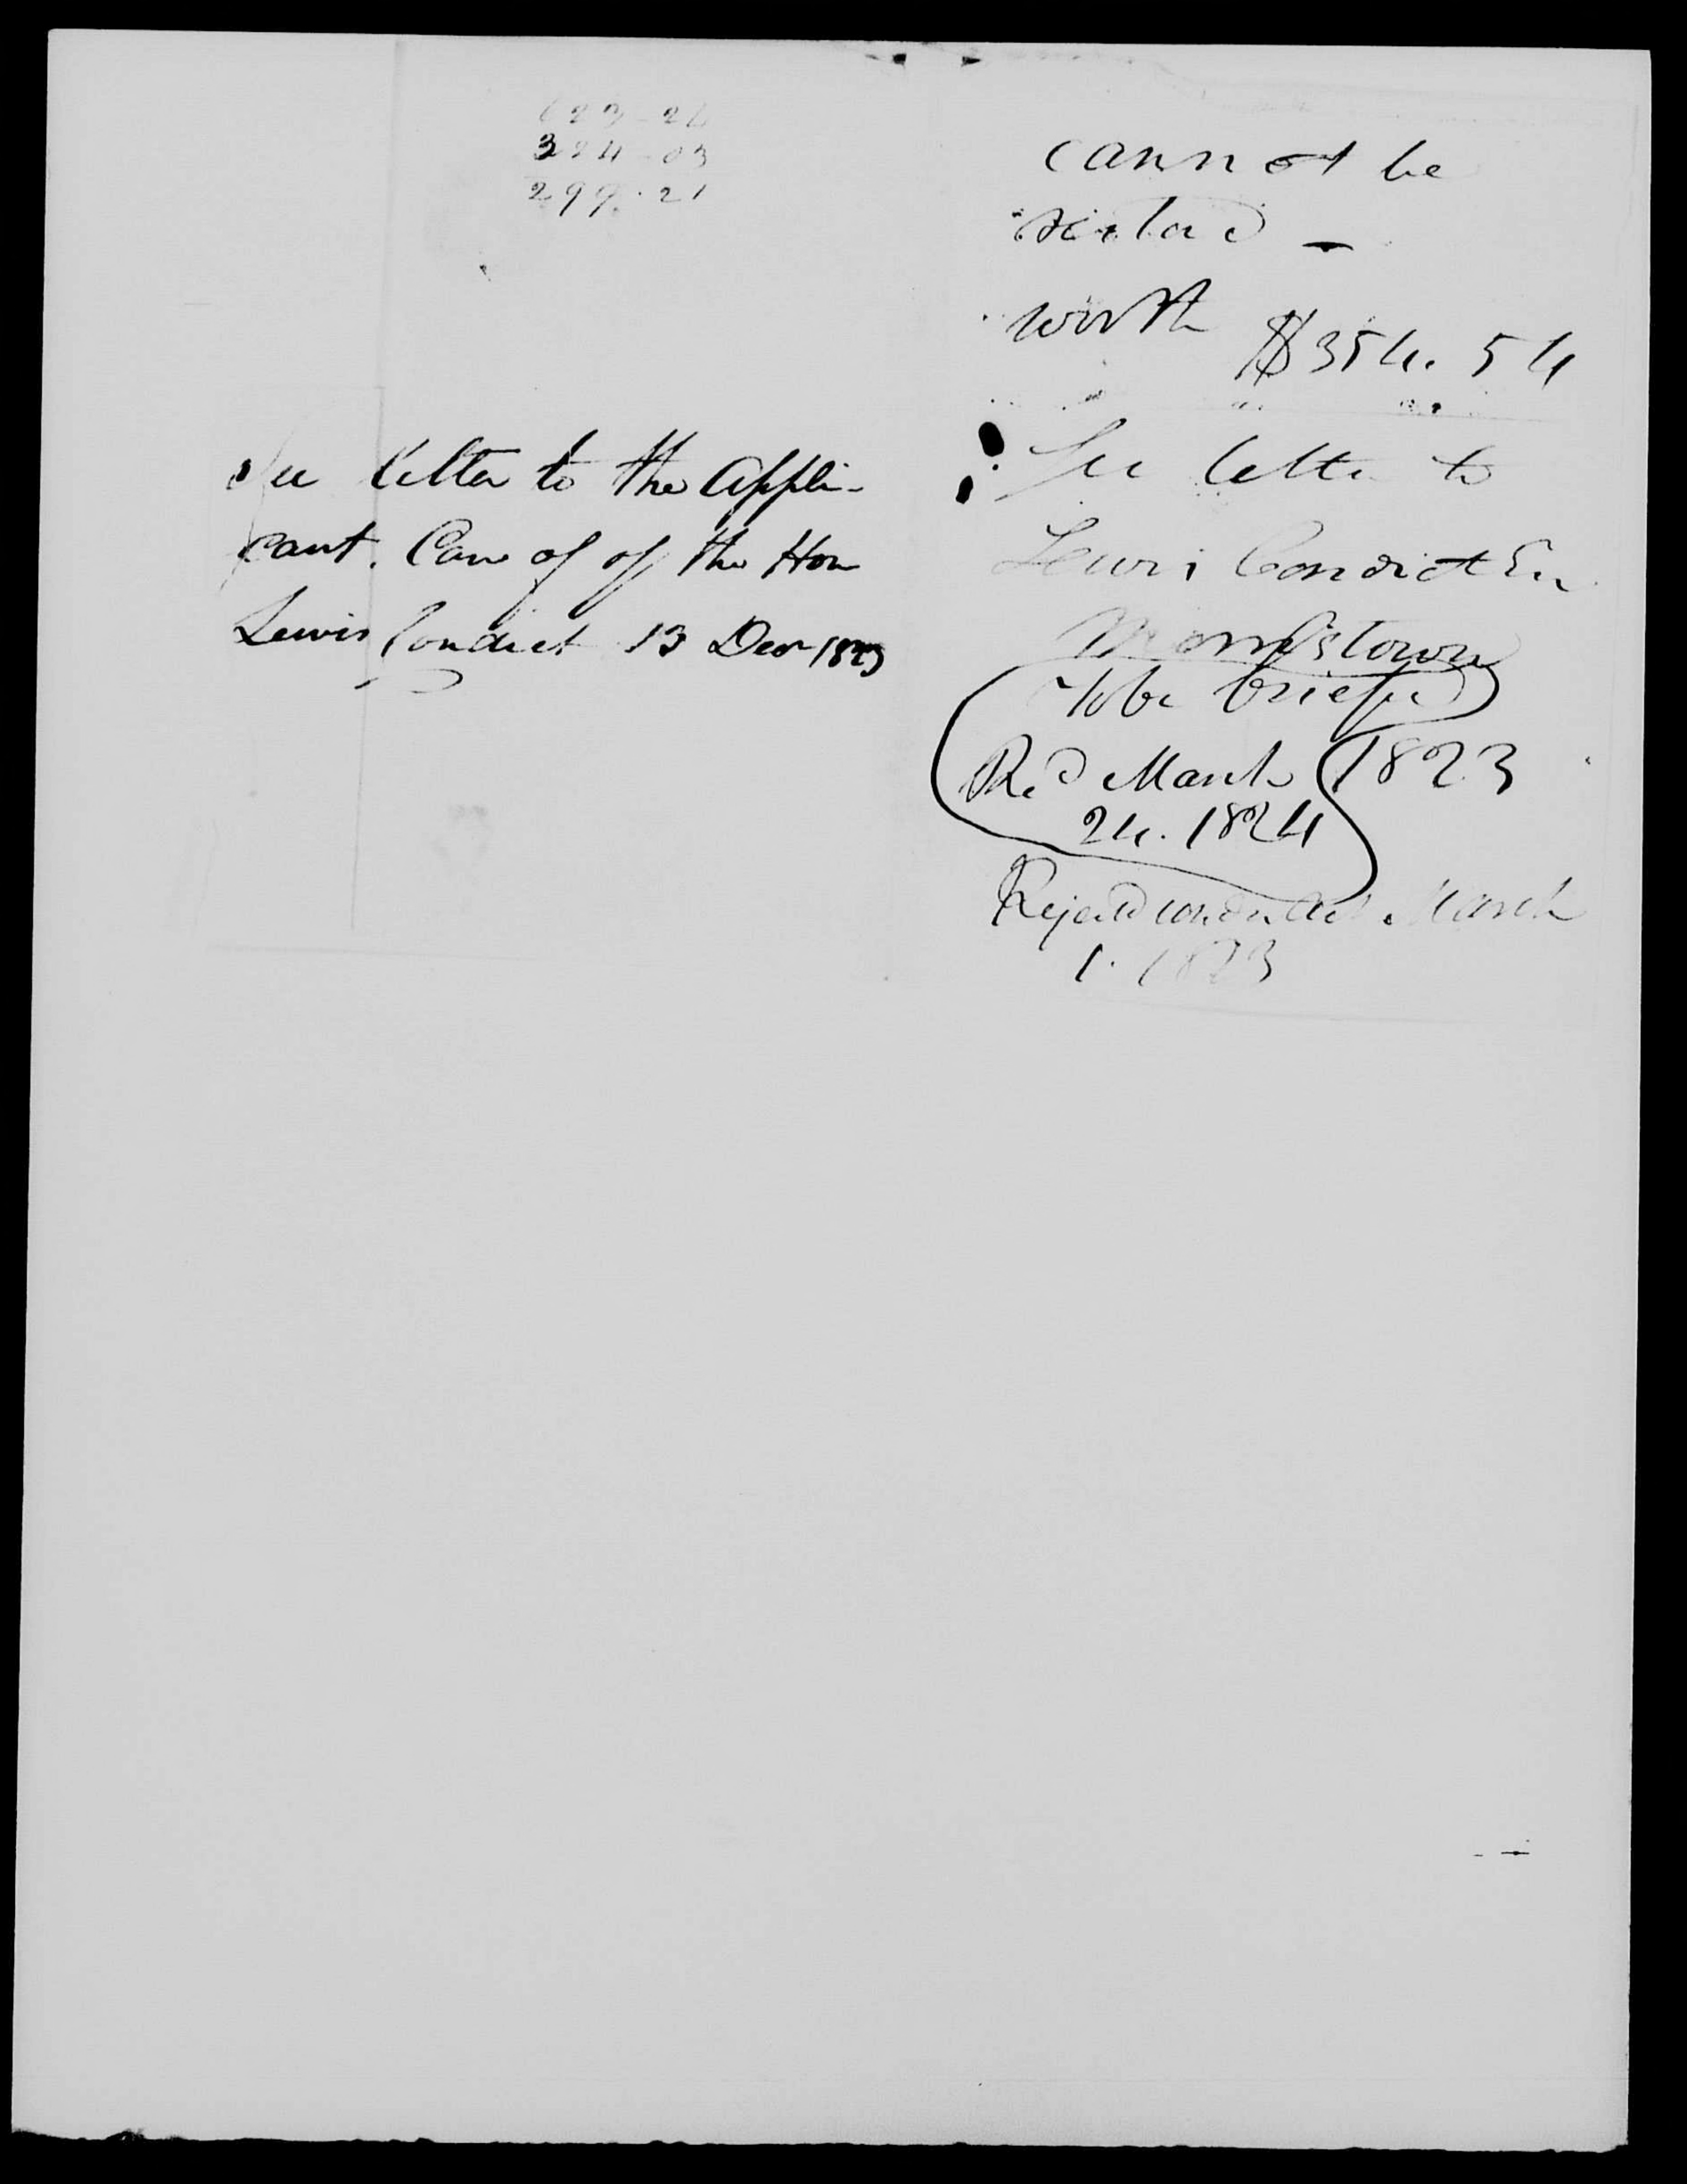[left column]
623.22
324.03
299.21

See letter to the Applicant. Care of of the Hon
Lewis Condict 13 Decr 1823
------------

[right column]
cannot be restored-
wirth $354.54

See letter to
Lewis Condict Esq
Morristown

To be briefed
Rcd March 24. 1864
1823

Rejected under Act March  1 1823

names: Lewis Condict, Lewis Condict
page: 12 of 27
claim: survivor's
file: S. 34,094, Ezra Brown, New Jersey